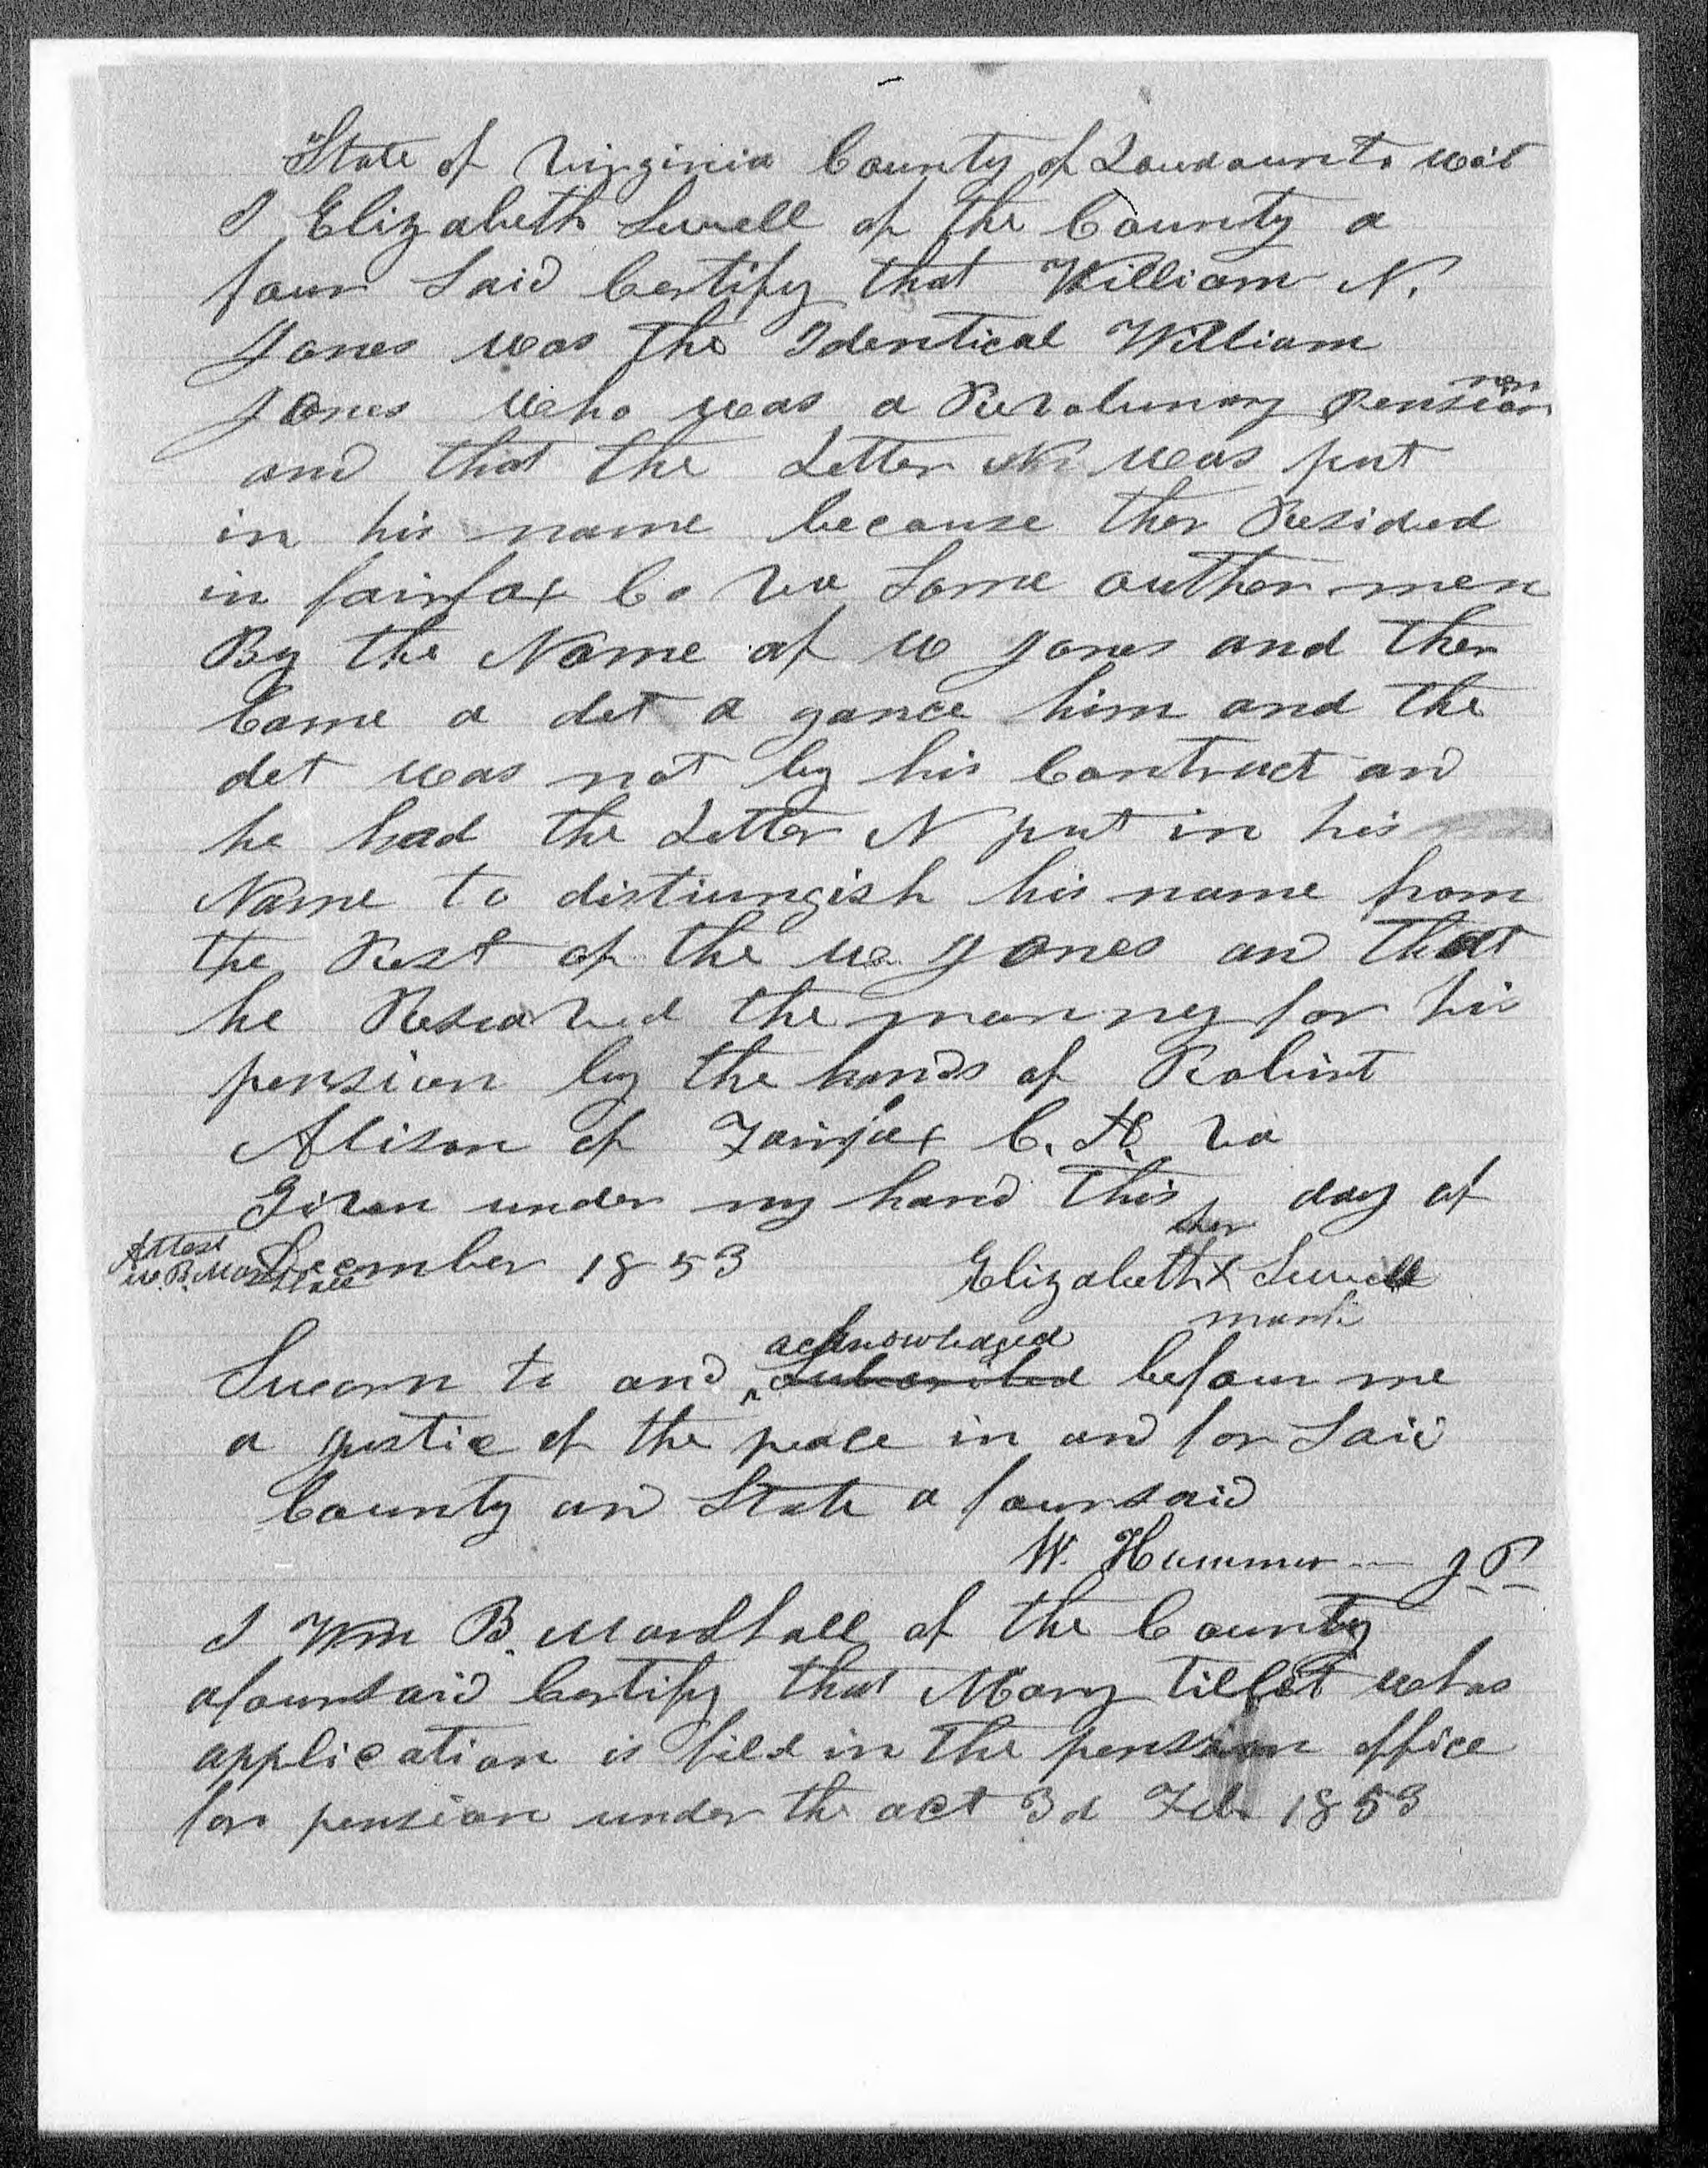State of Virginia County of Loudoun to wit
I Elizabeth Sewell of the County a four said Certify that William N. Jones was the identical William Jones who was a Revolutionary pensioner and that the Letter N was put in his name because ther resided in Fairfax Co. Va some outher men By the Name of W Jones and ther came a det a gance him and the det was not by his contract and he had the Letter N put in his Name to distinguish his name from the Rest of the men Jones and that he Resieved the monny for his pension by the hands of Robert Alison of Fairfax C.H. Va
Given under my hand this [blank] day of December 1853
Attest                Elizabeth herXmark Sewell
W.B. Marshall

Sworn to and subscribed[crossed out] acknowledged befour me a Justice of the peace in and for said County and State afoursaid
W. Hummer J.P.

I Wm. B. Marshall of the County afoursaid Certify that Mary Tillet whos application is fild in the pension officer for pension under the act 3d Feb. 1853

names: Wm B Marshall; Robert Alison; W Hummer; Mary Tillet; William N Jones; Elizabeth Sewell; William Jones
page: 36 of 39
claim: widow's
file: W 6292, for William Jones, Maryland